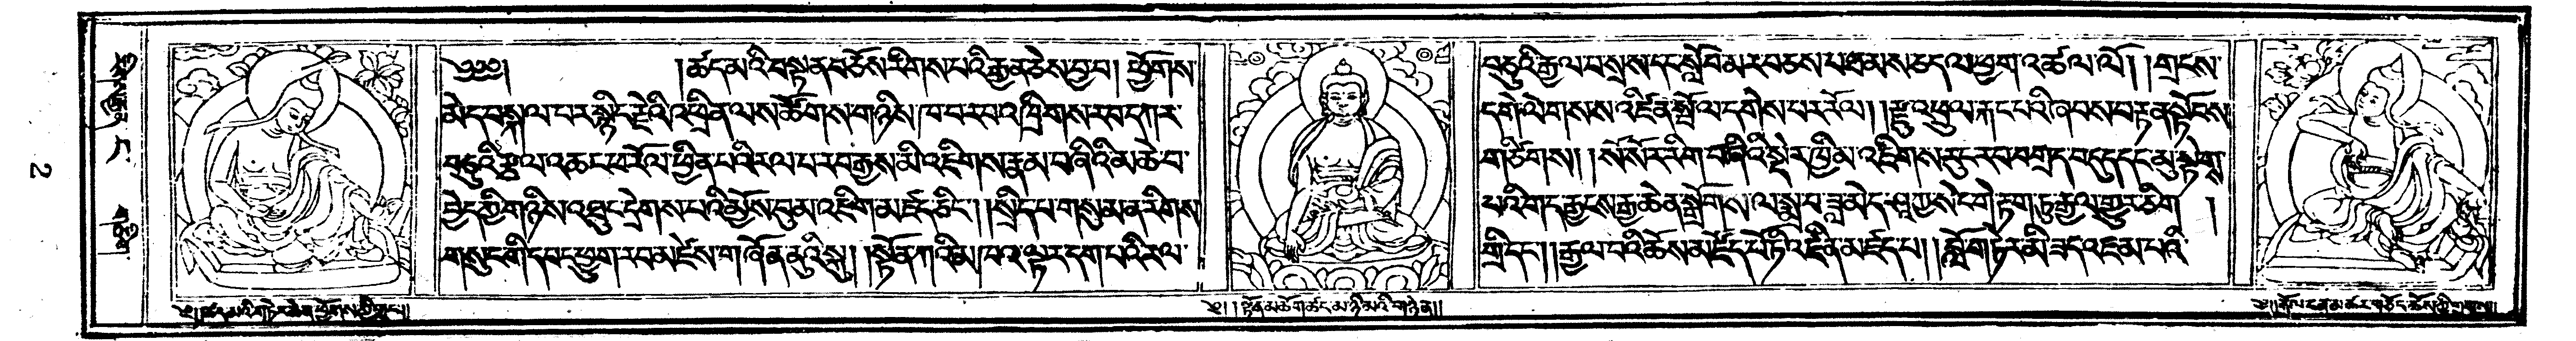༄༅༅། །་ཚད་མའི་བསྟན་བཅོས་རིགས་པའི་རྒྱན་ཅེས་བྱ་བ། ཕྱོགས་བཅུའི་རྒྱལ་བ་སྲས་དང་སློབ་མར་བཅས་པ་ཐམས་ཅད་ལ་ཕྱག་འཚལ་ལོ། །གྲངས་
མེད་བསྐལ་པར་སྙིང་རྗེའི་འཕྲིན་ལས་ཚོགས་གཉིས་ཁ་བ་རབ་འཁྲིགས་རབ་དཀར་དགེ་ལེགས་ས་འཛིན་སྤོ་ལ་དགེས་པར་རོལ། །རྫུ་འཕྲུལ་རྐང་པའི་ཞབས་བརྟན་སྟོབས་
བཅུའི་རྩལ་འཆང་ཕ་རོལ་ཕྱིན་པའི་རལ་པ་རབ་རྒྱས་མི་འཇིགས་རྣམ་བཞིའི་མཆེ་བ་གཅིགས། །སོ་སོར་རིག་བཞིའི་སྡེར་ཁྱིམ་འཇིགས་རུང་རབ་བགྲད་བདུད་དང་མུ་སྟེགས་
བྱེད་ཀྱི་གཉིས་འཐུང་དྲེགས་པའི་མྱོས་བུ་མ་འཇིག་མཛད་ཅིང་། །སྲིད་པ་གསུམ་ན་རིགས་པའི་གད་རྒྱངས་རྒྱ་ཆེན་སྒྲོགས་ལ་སྨྲ་བ་ཟླ་མེད་ཤཱཀྱ་སེང་གེ་རྟག་ཏུ་རྒྱལ་གྱུར་ཅིག །
གསུང་གི་དབང་ཕྱུག་རབ་མཛེས་གཞོན་ནུའི་སྐུ། སྟོན་ཀའི་མཁའ་ལྟར་དག་པའི་རལ་གྲི་དང་། །རྒྱལ་བའི་ཆོས་མཛོད་པོ་ཏི་འཛིན་མཛད་པ། །བློ་གཏེར་མི་ཟད་འཇམ་པའི་